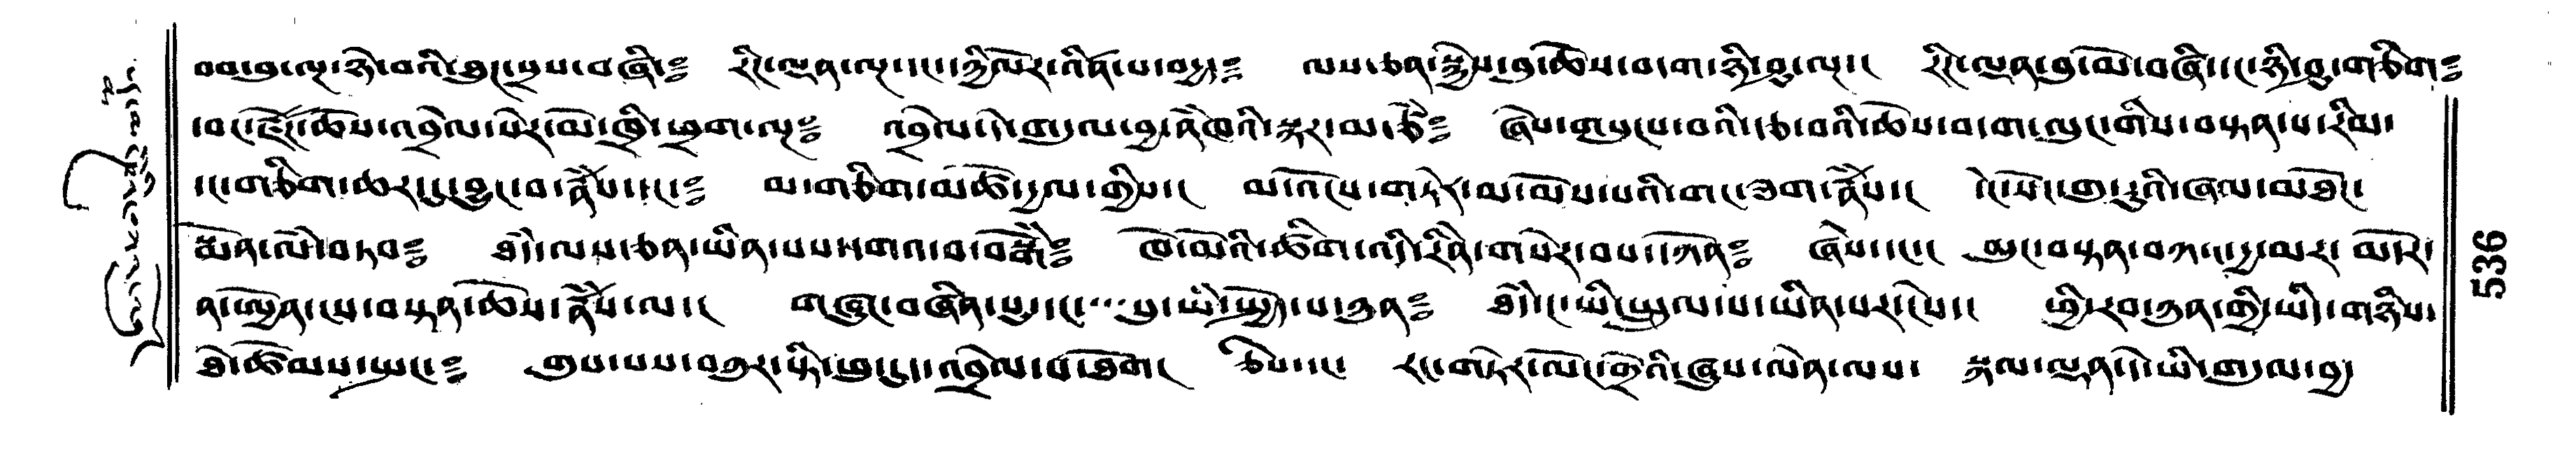བབས་བུ་ལྔ་ཉེ་བའི་ཐུགས་སྲས་བཞི༔ རིགས་ལྡན་ལྔ་དང་དཀྱིལ་འཁོར་འཛིན་པ་བརྒྱད༔ ལས་ཅན་སྐྱེས་བུ་ཆོས་བདག་ཉི་ཤུ་ལྔ༔ རིགས་ལྡན་བུ་མོ་བཞི་དང་ནི་ཤུ་གཅིག༔ 
དབང་རྫོགས་ཆོས་འབྲེལ་སེར་མོ་ཁྲི་ཕྲག་ལྔ༔ འབྲེལ་ནས་གདུལ་བྱ་ནམ་མཁའི་སྐར་མ་ཙམ༔ ཞེས་གསུངས་བའི་རྩ་བའི་ཆོས་བདག་ལུང་གིས་བསྟན་པ་རིམ་
དང་གཅིག་ཆར་དུ་བྱུང་བ་རྣམས་དང་། མ་གཅིག་མཚོ་རྒྱལ་གྱིས། མ་འོངས་གཏེར་ལ་མོས་པའི་གང་ཟག་རྣམས༔ དེང་སང་གུ་རུའི་ཞལ་མཐོང་
སྨོན་ལམ་བཏབ༔ ཐམས་ཅད་ལས་ཅན་ཡིན་པས་དགའ་བ་སྒོམས༔ ཁོ་མོའི་ཚིག་འདི་རིན་ཆེན་གསེར་བས་དཀོན༔ ཞེས་དང་། ལུང་བསྟན་བཀའ་རྒྱ་མར། མདོར་
ན་ཨོ་རྒྱན་ངས་བསྟན་ཆོས་རྣམས་ལ༔ གཞུང་བཞིན་སུ་དང་སུ་ཡི་སྤྱོད་པ་ཀུན༔ ཐམས་ཅད་ང་ཡི་སྤྲུལ་པ་ཡིན་པར་ངེས༔ ཕྱི་རབས་ཀུན་གྱི་ཡིད་གཉིས་
ཐེ་ཚོམ་སྤངས༔ གུས་པས་བཀུར་སྟི་ཕུ་དུད་འབྲེལ་པ་ཐོགས༔ ཞེས་དང་། རང་གཏེར་ལང་གྲོའི་ཞུས་ལེན་ལས། སྐལ་ལྡན་དེ་ཡི་གདུལ་བྱ་